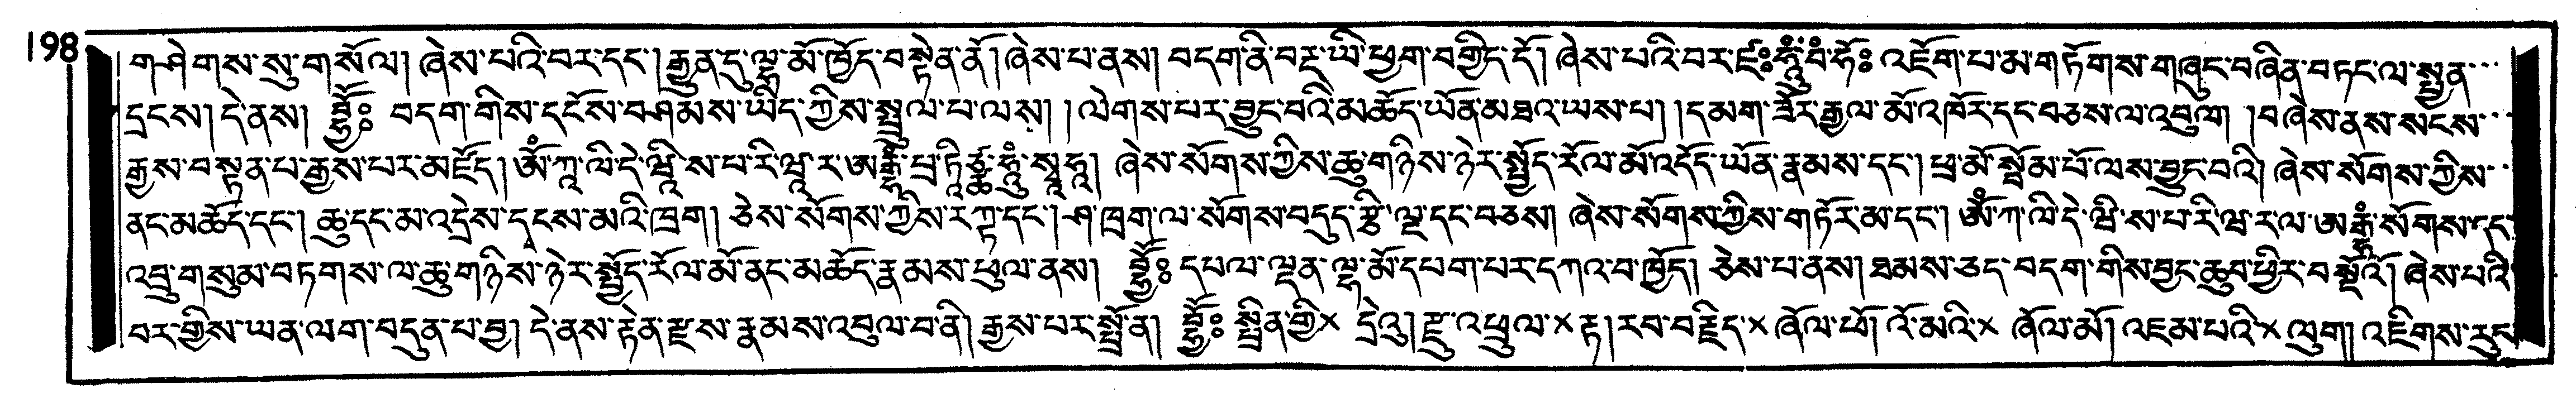གཤེགས་སུ་གསོལ། ཞེས་པའི་བར་དང་། རྒྱུན་དུ་ལྷ་མོ་ཁྱོད་བསྟེན་ནོ། ཞེས་པ་ནས། བདག་ནི་བརྡ་ཡི་ཕྱག་བགྱིད་དོ། ཞེས་པའི་བར་ཛཿཧཱུཾ་བཾ་ཧོཿ འཇོག་པ་མ་གཏོགས་གཞུང་བཞིན་བཏང་ལ་སྤྱན་
དྲངས། དེ་ནས། བྷྱཽཿ བདག་གིས་དངོས་བཤམས་ཡིད་ཀྱིས་སྤྲུལ་པ་ལས། །ལེགས་པར་བྱུང་བའི་མཆོད་ཡོན་མཐའ་ཡས་པ། །དམག་ཟོར་རྒྱལ་མོ་འཁོར་དང་བཅས་ལ་འབུལ། །བཞེས་ནས་སངས་
རྒྱས་བསྟན་པ་རྒྱས་པར་མཛོད། ཨོཾ་ཀཱ་ལི་དེ་ཝཱི་ས་པ་རི་ཝཱ་ར་ཨརྒྷཾ་པྲ་ཏཱི་ཙྪ་ཧཱུཾ་སྭཱཧཱ། ཞེས་སོགས་ཀྱིས་ཆུ་གཉིས་ཉེར་སྤྱོད་རོལ་མོ་འདོད་ཡོན་རྣམས་དང་། ཕྲ་མོ་སྦོམ་པོ་ལས་བྱུང་བའི། ཞེས་སོགས་ཀྱིས་
ནང་མཆོད་དང་། ཆུ་དང་མ་འདྲེས་དྭངས་མའི་ཁྲག། ཅེས་སོགས་ཀྱིས་རཀྟ་དང་། ཤ་ཁྲག་ལ་སོགས་བདུད་རྩི་ལྔ་དང་བཅས། ཞེས་སོགས་ཀྱིས་གཏོར་མ་དང་། ཨོཾ་ཀ་ལི་དེ་ཝི་ས་པ་རི་ཝ་ར་ལ་ཨརྒྷཾ་སོགས་དང་
འབྲུ་གསུམ་བཏགས་ལ་ཆུ་གཉིས་ཉེར་སྤྱོད་རོལ་མོ་ནང་མཆོད་རྣམས་ཕུལ་ནས། བྷྱཽཿ དཔལ་ལྡན་ལྷ་མོ་དཔག་པར་དཀའ་བ་ཁྱོད། ཅེས་པ་ནས། ཐམས་ཅད་བདག་གིས་བྱང་ཆུབ་ཕྱིར་བསྔོའོ། ཞེས་པའི་
བར་གྱིས་ཡན་ལག་བདུན་པ་བྱ། དེ་ནས་རྟེན་རྫས་རྣམས་འབུལ་བ་ནི། རྒྱས་པར་སྤྲོ་ན། བྷྱཽཿ སྤྲིན་གྱི་྾་དྲེའུ། རྫུ་འཕྲུལ་྾་རྟ། རབ་བརྗིད་྾་ཞོལ་ཕོ། འོ་མའི་྾་ཞོལ་མོ། འཇམ་པའི་྾་ལུག། འཇིགས་རུང་